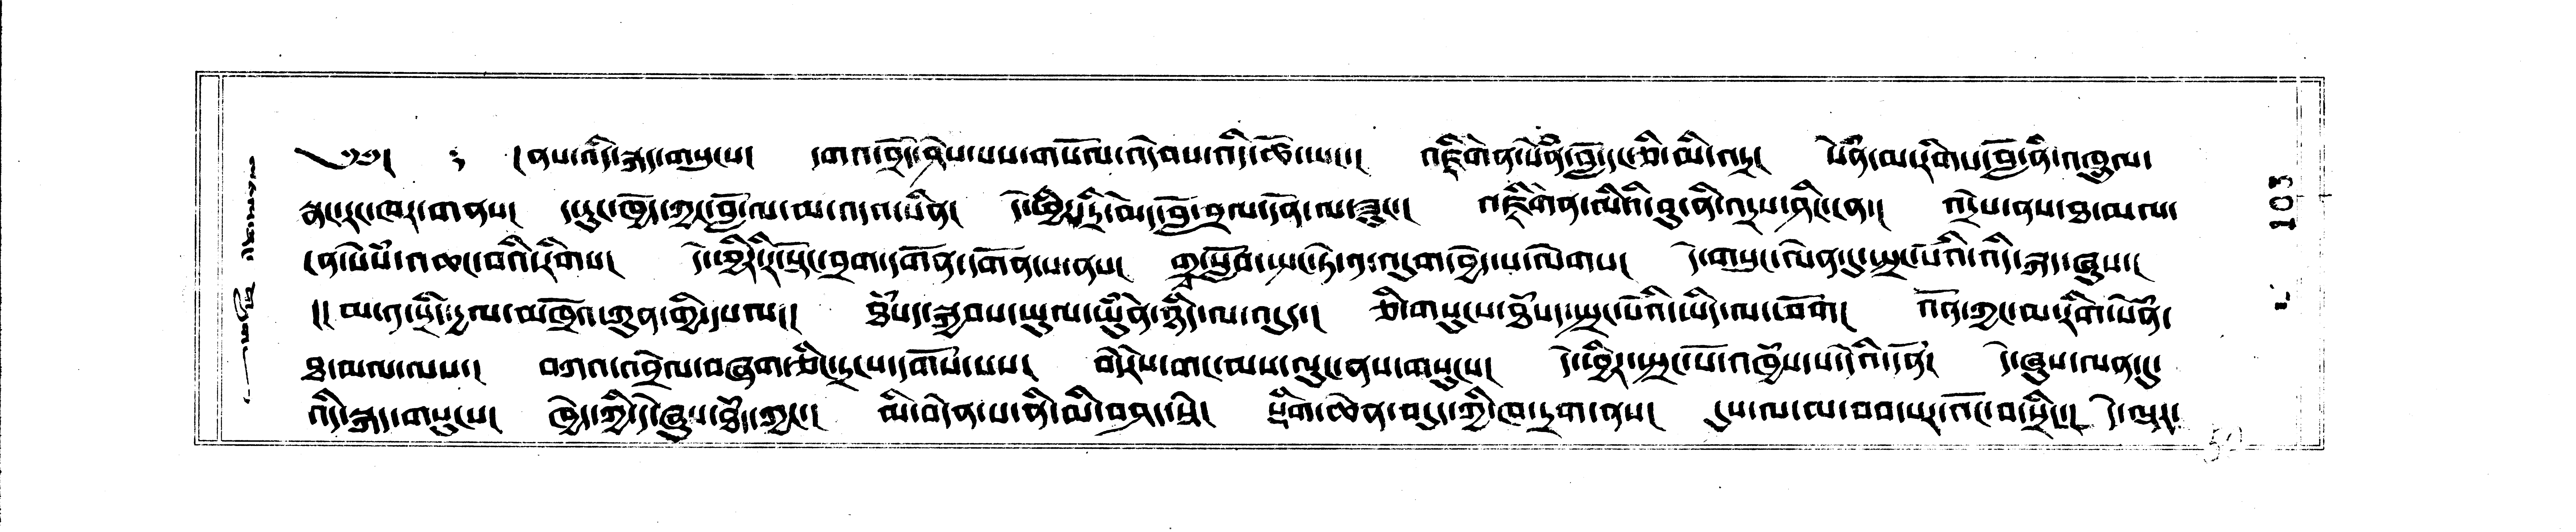ནས་འདི་སྐད་གསུངས། དགའ་བྲོད་ཤེས་པས་གསོལ་འདེབས་འདི་ཚོ་ཡང་། འཇིག་རྟེན་སེམས་ཅན་བློ་དང་ཅི་མི་འདྲ། སེམས་ཅན་མ་རིག་བློ་ནི་འཁྲུལ་
སྣང་རང་ཁར་གནས། ད་རུང་ཁྱོད་ཀྱང་བློ་ལ་མ་འདའ་ཡིན། དེ་ཕྱིར་དྲི་མེད་བློ་བྲལ་དོན་ལ་ཟུངས། འཇིག་རྟེན་མིའི་བུ་ནི་འདྲིས་ཤིང་ངན། འདྲིས་ནས་ཐ་མལ་
ངན་སེམས་འཆང་བའི་རིགས། དེ་ཕྱིར་རི་སྟོང་བྲག་དགོན་དགོན་པ་ནས། གྲྭ་སློབ་སྤངས་ཏེ་གཅིག་འདུག་བྱེད་པ་ལེགས། དེ་གསུང་ལེན་དུ་སྤྲང་པོས་འདི་སྐད་ཞུས། 
མ་གཅིག་སྲིད་རྒྱལ་མཁའ་འགྲོ་ཀུན་གྱི་དཔལ། ཐམས་ཅད་སྐྱབས་ཡུལ་ཡུམ་ཆེན་ཉིད་ལ་འདུད། ཅི་གསུངས་ཐམས་ཅད་སྤྲང་པོའི་ཡིད་ལ་ཕོག འོན་ཀྱང་མ་རིག་སེམས་ཅན་
ཐ་མལ་ལས། བཀའ་འབྲེལ་བཞག་ཅིང་དྲངས་དགོས་པས། བདེར་གཤེགས་གོང་མས་ལུང་ནས་གསུངས། དེ་ཕྱིར་སྤྲང་པོ་འཁྱམས་པ་དེའི་དོན། དེ་ཞུས་ལན་དུ་
འདི་སྐད་གསུངས། ཁྱེད་ཀྱི་དེ་ཞུས་ཐམས་ཅད་ཀྱང་། མི་བདེན་པ་ནི་མི་བཤད་སྟེ། སྡིག་ཆེན་བདུད་ཀྱི་ཁ་དྲག་ནས། དུས་ལ་མ་བབ་པར་འོང་བསྲིད། དེ་ལྟར་